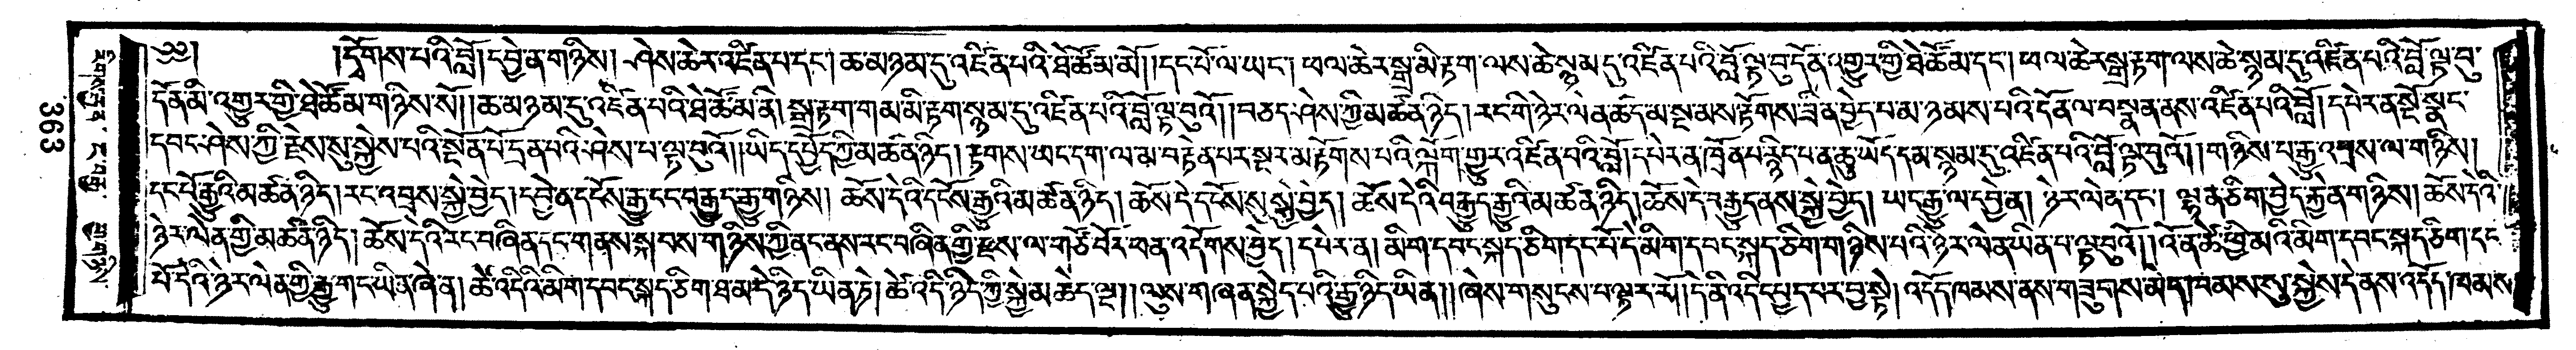༄༅། །དྭོགས་པའི་བློ། དབྱེ་ན་གཉིས། ཤས་ཆེར་འཛིན་པ་དང་། ཆ་མཉམ་དུ་འཛིན་པའི་ཐེ་ཚོམ་མོ། །དང་པོ་ལ་ཡང་། ཕལ་ཆེར་སྒྲ་མི་རྟག་ལས་ཆེ་སྙམ་དུ་འཛིན་པའི་བློ་ལྟ་བུ་དོན་འགྱུར་གྱི་ཐེ་ཚོམ་དང་། ཕལ་ཆེར་སྒྲ་རྟག་ལས་ཆེ་སྙམ་དུ་འཛིན་པའི་བློ་ལྟ་བུ་
དོན་མི་འགྱུར་གྱི་ཐེ་ཚོམ་གཉིས་སོ། །ཆ་མཉམ་དུ་འཛིན་པའི་ཐེ་ཚོམ་ནི། སྒྲ་རྟག་གམ་མི་རྟག་སྙམ་དུ་འཛིན་པའི་བློ་ལྟ་བུའོ། །བཅད་ཤེས་ཀྱི་མཚན་ཉིད། རང་གི་ཉེར་ལེན་ཚད་མ་སྔ་མས་རྟོགས་ཟིན་བྱེད་པ་མ་ཉམས་པའི་དོན་ལ་བསྣན་ནས་འཛིན་པའི་བློ། དཔེར་ན་སྔོ་སྣང་
དབང་ཤེས་ཀྱི་རྗེས་སུ་སྐྱེས་པའི་སྔོན་པོ་དྲན་པའི་ཤེས་པ་ལྟ་བུའོ། །ཡིད་དཔྱོད་ཀྱི་མཚན་ཉིད། རྟགས་ཡང་དག་ལ་མ་བརྟེན་པར་སྔར་མ་རྟོགས་པའི་ལྐོག་གྱུར་འཛིན་པའི་བློ། དཔེར་ན་ཁྲོན་པ་རྙིང་པ་ན་ཆུ་ཡོད་དམ་སྙམ་དུ་འཛིན་པའི་བློ་ལྟ་བུའོ། །གཉིས་པ་རྒྱུ་འབྲས་ལ་གཉིས།
དང་པོ་རྒྱུའི་མཚན་ཉིད། རང་འབྲས་སྐྱེ་བྱེད། དབྱེ་ན་དངོས་རྒྱུ་དང་བརྒྱུད་རྒྱུ་གཉིས། ཆོས་དེའི་དངོས་རྒྱུའི་མཚན་ཉིད། ཆས་དེ་དངོས་སུ་སྐྱེ་བྱེད། ཆོས་དེའི་བརྒྱུད་རྒྱུའི་མཚན་ཉིད། ཆོས་དེ་བརྒྱུད་ནས་སྐྱེ་བྱེད། ཡང་རྒྱུ་ལ་དབྱེ་ན། ཉེར་ལེན་དང་། ལྷན་ཅིག་བྱེད་རྐྱེན་གཉིས། ཆོས་དེའི་
ཉེར་ལེན་གྱི་མཚན་ཉིད། ཆོས་དེའི་རང་བཞིན་དང་གནས་སྐབས་གཉིས་ཀྱི་ནང་ནས་རང་བཞིན་གྱི་རྫས་ལ་གཙོ་བོར་ཕན་འདོགས་བྱེད། དཔེར་ན། མིག་དབང་སྐད་ཅིག་དང་པོ་དེ་མིག་དབང་སྐད་ཅིག་གཉིས་པའི་ཉེར་ལེན་ཡིན་པ་ལྟ་བུའོ། །འོ་ན་ཚེ་ཕྱི་མའི་མིག་དབང་སྐད་ཅིག་དང་
པོ་དེའི་ཉེར་ལེན་གྱི་རྒྱུ་གང་ཡིན་ཞེ་ན། ཚེ་འདིའི་?་མིག་དབང་སྐད་ཅིག་ཐ་མ་དེ་ཉིད་ཡིན་ཏེ། ཚེ་འདི་ཉིད་ཀྱི་སྐྱེ་མཆེད་ལྔ། །ལུས་གཞན་སྐྱེད་པའི་རྒྱུ་ཉིད་ཡིན། །ཞེས་གསུངས་པ་ལྟར་རོ། །ད་ནི་འདི་དཔྱད་པར་བྱ་སྟེ། འདོད་ཁམས་ནས་གཟུགས་མེད་ཁམས་སུ་སྐྱེས་དེ་ནས་འདོད་ཁམས་